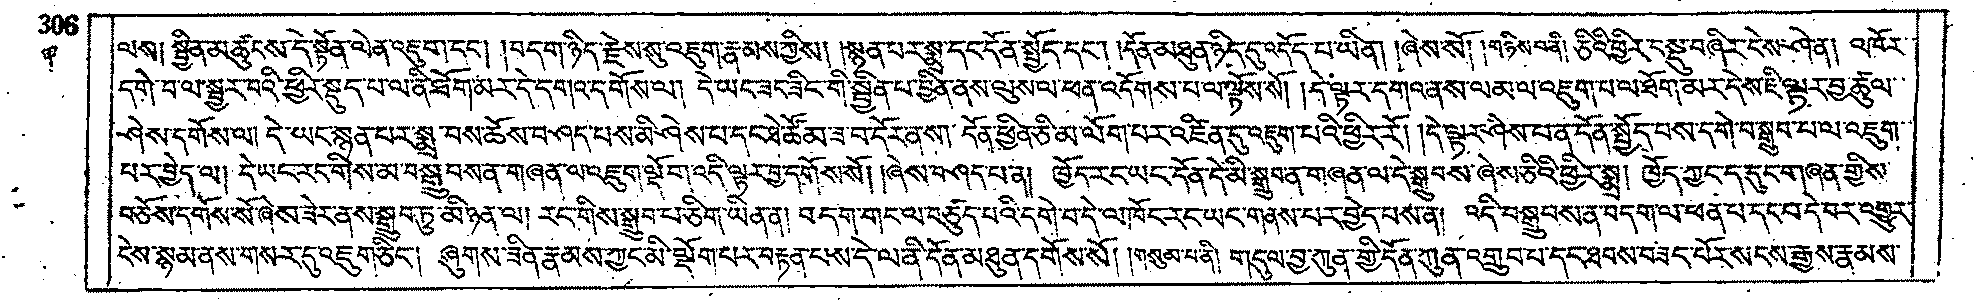ལས། སྦྱིན་མཚུངས་དེ་སྟོན་ལེན་འཇུག་དང་། །བདག་ཉིད་རྗེས་སུ་འཇུག་རྣམས་ཀྱིས། །སྙན་པར་སྨྲ་དང་དོན་སྤྱོད་དང་། །དོན་མཐུན་ཉིད་དུ་འདོད་པ་ཡིན། །ཞེས་སོ། །གཉིས་པ་ནི།  ཅིའི་ཕྱིར་བསྡུ་བཞིར་ངེས་ཤེ་ན། འཁོར་
དགེ་བ་ལ་སྦྱར་བའི་ཕྱིར་སྡུད་པ་ལ་ནི་ཐོག་མར་དེ་དགའ་དགོས་ལ། དེ་ཡང་ཟང་ཟིང་གི་སྦྱིན་པ་བྱིན་ནས་ལུས་ལ་ཕན་འདོགས་པ་ལ་ལྟོས་སོ། །དེ་ལྟར་དགའ་ནས་ལམ་ལ་འཇུག་པ་ལ་ཐོག་མར་དེས་ཇི་ལྟར་བྱ་ཚུལ་
ཤེས་དགོས་ལ། དེ་ཡང་སྙན་པར་སྨྲ་བས་ཆོས་བཤད་པས་མི་ཤེས་པ་དང་ཐེ་ཚོམ་ཟ་བ་དོར་ནས། དོན་ཕྱིན་ཅི་མ་ལོག་པར་འཛིན་དུ་འཇུག་པའི་ཕྱིར་རོ། །དེ་ལྟར་ཤེས་པ་ན་དོན་སྤྱོད་པས་དགེ་བ་སྒྲུབ་པ་ལ་འཇུག་
པར་བྱེད་ལ། དེ་ཡང་རང་གིས་མ་བསྒྲུབས་ན་གཞན་ལ་འཇུག་ལྡོག་འདི་ལྟར་བྱ་དགོས་སོ། །ཞེས་བཤད་པ་ན། ཁྱོད་རང་ཡང་དོན་དེ་མི་སྒྲུབ་ན་གཞན་ལ་དེ་སྒྲུབས་ཞེས་ཅིའི་ཕྱིར་སྨྲ། ཁྱོད་ཀྱང་ད་དུང་གཞན་གྱིས་
བཅོས་དགོས་སོ་ཞེས་ཟེར་ནས་སྒྲུབ་ཏུ་མི་ཉན་ལ། རང་གིས་སྒྲུབ་པ་ཅིག་ཡིན་ན། བདག་གང་ལ་བཙུད་པའི་དགེ་བ་དེ་ལ་ཁོང་རང་ཡང་གནས་པར་བྱེད་པས་ན། འདི་བསྒྲུབས་ན་བདག་ལ་ཕན་པ་དང་བདེ་བར་འགྱུར་
ངེས་སྙམ་ནས་གསར་དུ་འཇུག་ཅིང་། ཞུགས་ཟིན་རྣམས་ཀྱང་མི་ལྡོག་པར་བརྟན་པས་དེ་ལ་ནི་དོན་མཐུན་དགོས་སོ། །གསུམ་པ་ནི།  གདུལ་བྱ་ཀུན་གྱི་དོན་ཀུན་འགྲུབ་པ་དང་ཐབས་བཟང་པོར་སངས་རྒྱས་རྣམས་